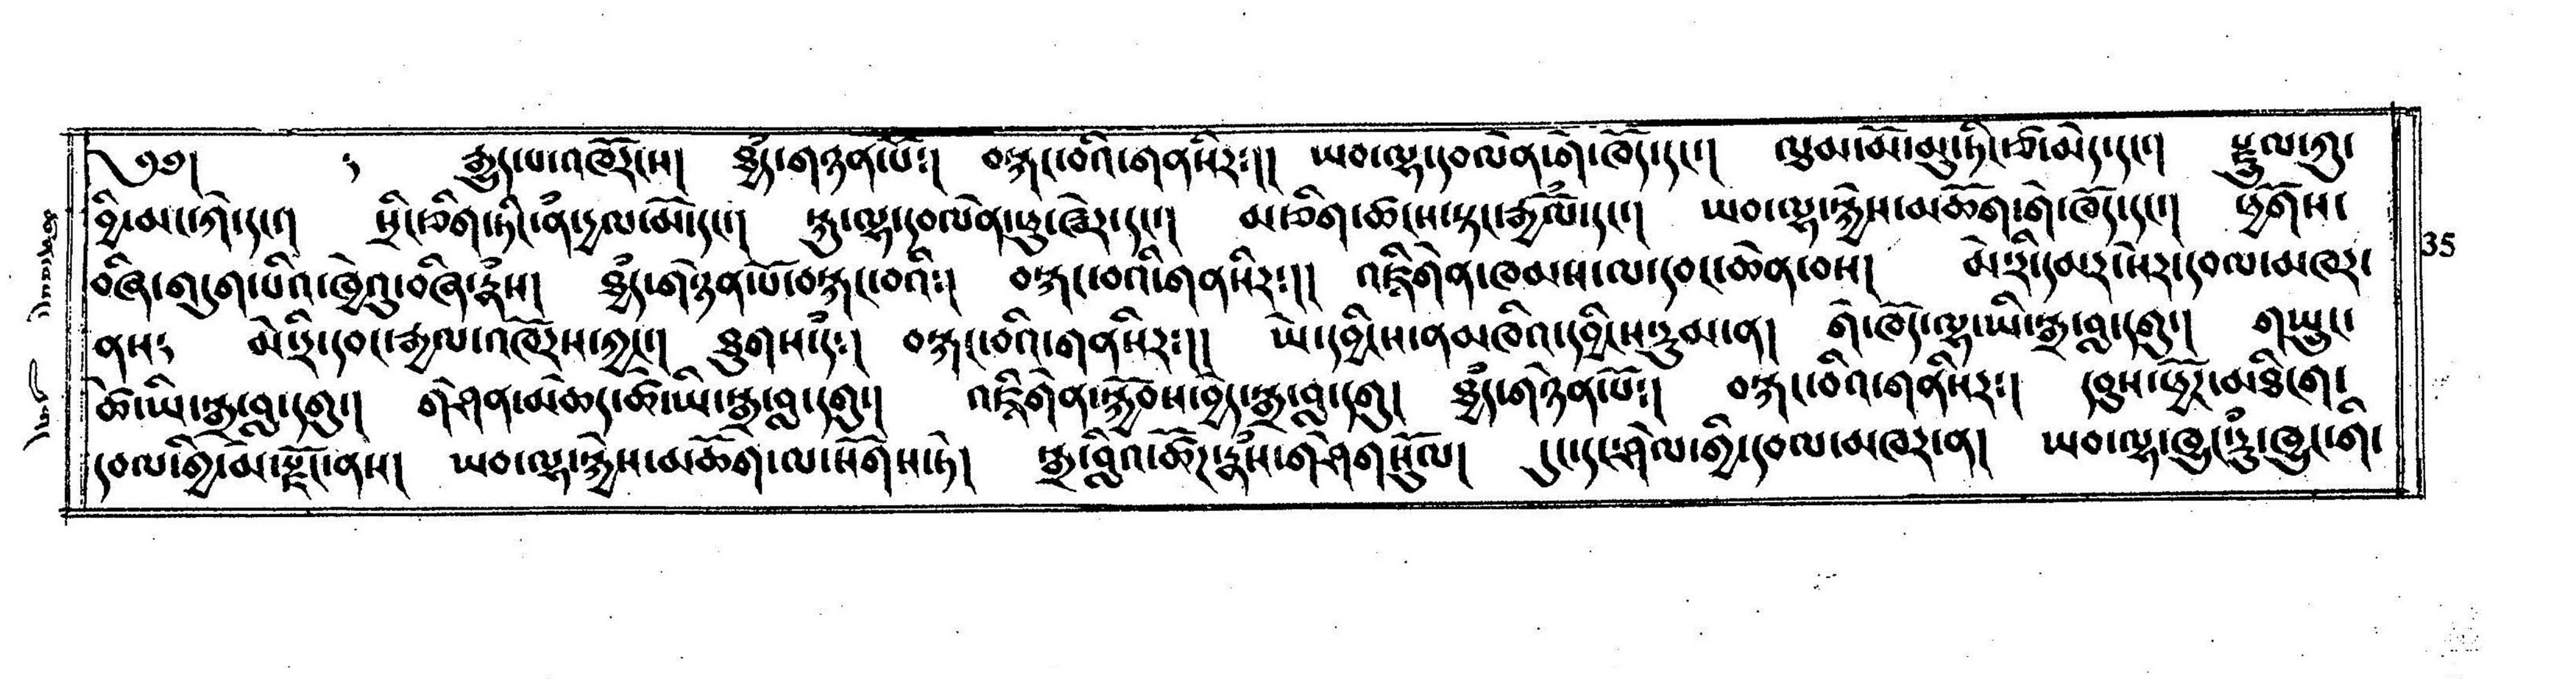རྒྱུད་པ་འཁོར་དང་བཅས། ཐུགས་དམ་གཉན་པོ། བསྐང་བའི་ཕྱིར། བསྐང་བའི་གནས་ཕྱིར་སྤྱན་འདྲེན་གཤེགས་སུ་གསོལ། ཡབ་ལྷ་དབལ་ཆེན་གེ་ཁོད་དང་། ལྕམ་མོ་མུ་ཏིང་ཙ་མེད་དང་། རྫུ་འཕྲུལ་ཀུ་
བྱི་མང་ཀེ་དང་། སྲིང་ཅིག་ཏིང་ནམ་རྒྱལ་མོ་དང་། སྐུ་ལྷ་དབལ་ཆེན་ཕུ་ཝེར་དང་། མ་ཅིག་ཚངས་སྟང་རྒྱལ་མོ་དང་། ཡབ་ལྷ་སྐྱེས་མཆོག་གེ་ཁོད་དང་། ཕྱོགས་
བཞི་གདུག་པའི་ཁྱེའུ་བཞི་རྣམས། ཐུགས་དམ་གཉན་པོ་བསྐང་བའི་ཕྱིར། བསྐང་བའི་གནས་ཕྱིར་སྤྱན་འདྲེན་གཤེགས་སུ་གསོལ། འཇིག་རྟེན་ཁམས་ལ་དབང་ཆེན་བས། མེ་རི་དམར་སེར་དབལ་མཁར་
ནས། མེ་རི་དབང་རྒྱལ་འཁོར་དང་བཅས་ཀྱང་། ཐུགས་དམ་གཉན་པོ་བསྐང་བའི་ཕྱིར། བསྐང་བའི་གནས་ཕྱིར་སྤྱན་འདྲེན་གཤེགས་སུ་གསོལ། ཡེ་དབྱིངས་ནམ་མཁའི་དབྱིངས་རུམ་ན། གེ་ཁོད་ལྷ་ཡི་སྒྲ་བླ་དགུ། གཡུང་དྲུང་
ཚེ་ཡི་སྒྲ་བླ་དགུ། གཤེན་མཆེད་ཚེ་ཡི་སྒྲ་བླ་དགུ། འཇིག་རྟེན་སྐྱོབ་བྱེད་སྒྲ་བླ་དགུ། ཐུགས་དམ་གཉན་པོ་བསྐང་བའི་ཕྱིར། བསྐང་བའི་གནས་ཕྱིར་སྤྱན་འདྲེན་གཤེགས་སུ་གསོལ། དབུས་ཕྱོགས་མཐིང་ནག་
དབལ་གྱི་མ་རྫོགས་ནས། ཡབ་ལྷ་སྐྱེས་མཆོག་ལ་སོགས་ཏེ། སྒྲ་བླའི་ཚོགས་རྣམས་གཤེགས་སུ་གསོལ། དུང་དང་ཤེལ་གྱི་དབལ་མཁར་ན། ཡབ་ལྷ་ཁྱུང་རུམ་ཁྱུང་གི་